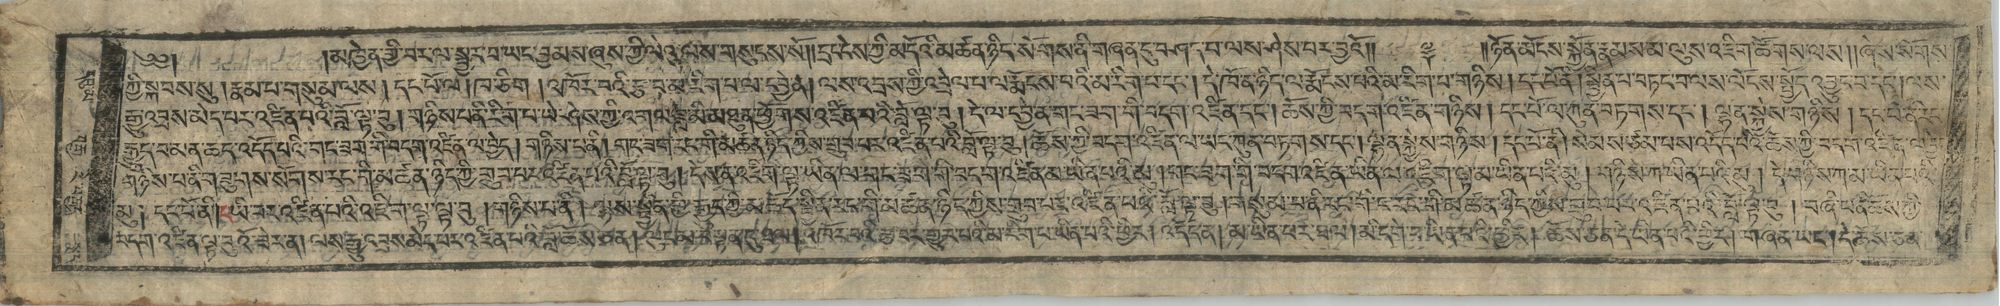༄༅། །མཁྱེན་གྱི་བར་ལ་སྦྱར་བ་ཡང་བྱམས་ཞུས་ཀྱི་ལེའུ་ལས་གསུངས་སོ། །དྲང་ངེས་ཀྱི་མདོའི་མཚན་ཉིད་སོགས་ནི་གཞན་དུ་བཤད་པ་ལས་ཤེས་པར་བྱའོ།། ༈ །།ཉོན་མོངས་སྐྱོན་རྣམས་མ་ལུས་འཇིག་ཚོགས་ལས། །ཞེས་སོགས་
ཀྱི་སྐབས་སུ། རྣམ་པ་གསུམ་ལས། དང་པོ་ལ། ཁ་ཅིག །འཁོར་བའི་རྩ་བ་མ་རིག་པ་ལ་དབྱེ་ན། ལས་འབྲས་ཀྱི་འབྲེལ་པ་ལ་རྨོངས་པའི་མཇིགྤ་དང་། དེ་ཁོ་ན་ཉིད་ལ་རྨོངས་པའི་མ་རིག་པ་གཉིས། དང་པོ་ནི། སྦྱིན་པ་བཏང་བ་ལས་ལོངས་སྤྱོད་འབྱུང་བ་དང་། ལས་
རྒྱུ་འབྲས་མེད་པར་མཛིནྤའི་བློ་ལྟ་བུ། གཉིས་པ་ནི་རིག་པ་ཡེ་ཤེས་ཀྱི་འགལ་ཟླ་མི་མཐུན་ཕྱོགས་འཛིན་པའི་བློ་ལྟ་བུ། དེ་ལ་དབྱེ་ན་གང་ཟག་གི་བདག་འཛིན་དང་། ཆོས་ཀྱི་བདག་འཛིན་གཉིས། དང་པོ་ལ་ཀུན་བཏགས་དང་། ལྷན་སྐྱེས་གཉིས། དང་པོ་ནི་རང་
རྒྱུད་པ་མན་ཆད་འདོད་པའི་གང་ཟག་གི་བདག་འཛིན་ལ་བྱེད། གཉིས་པ་ནི། གང་ཟག་རང་གི་མཚན་ཉིད་ཀྱིས་གྲུབ་པར་འཛིན་པའི་བློ་ལྟ་བུ། ཆོས་ཀྱི་བདག་འཛིན་ལ་ཡང་ཀུན་བཏགས་དང་། ལྷན་སྐྱེས་གཉིས། དང་པོ་ནི། སེམས་ཙམ་པས་འདོད་པའི་ཆོས་ཀྱི་བདག་འཛིན་ལ་བྱེད་
གཉིས་པ་ནི་གཟུགས་སོགས་རང་གི་མཚན་ཉིད་ཀྱི་གྲུབ་པར་འཛིན་པའི་བློ་ལྟ་བུ། དེས་ན་འཇིག་ལྟ་ཡིན་ལ་གང་ཟག་གི་བདག་འཛིན་མ་ཡིན་པའི་མུ། གང་ཟག་གི་བདག་འཛིན་ཡིན་ལ་འཇིག་ལྟ་མ་ཡིན་པའི་མུ། གཉིས་ཀ་ཡིན་པའི་མུ། དེ་གཉིས་ཀ་མ་ཡིན་པའི་
མུ། དང་པོ་ནི། ང་ཡི་བར་འཛིན་པའི་འཇིག་ལྟ་ལྟ་བུ། གཉིས་པ་ནི། ལྷས་སྦྱིན་གྱི་རྒྱུད་ཀྱི་མཆོད་སྦྱིན་རང་གི་མཚན་ཉིད་ཀྱིས་གྲུབ་པར་འཛིན་པའི་བློ་ལྟ་བུ། གསུམ་པ་ནི་རང་གི་ང་རང་གི་མཚན་ཉིད་ཀྱིས་གྲུབ་པར་འཛིན་པའི་བློ་ལྟ་བུ། བཞི་པ་ནི་ཆོས་ཀྱི་
བདག་འཛིན་ལྟ་བུའོ་ཟེར་ན། ལས་རྒྱུ་འབྲས་མེད་པར་འཛིན་པའི་བློ་ཆོས་ཅན། ལུང་མ་བསྟན་དུ་ཐལ། འཁོར་བའི་རྩ་བར་གྱུར་པའི་མ་རིག་པ་ཡིན་པའི་ཕྱིར། འདོད་ན། མ་ཡིན་པར་ཐལ། མི་དགེ་བ་ཡིན་པའི་ཕྱིར། ཆོས་ཅན་དེ་ཡིན་པའི་ཕྱིར། གཞན་ཡང་། དེ་ཆོས་ཅན་